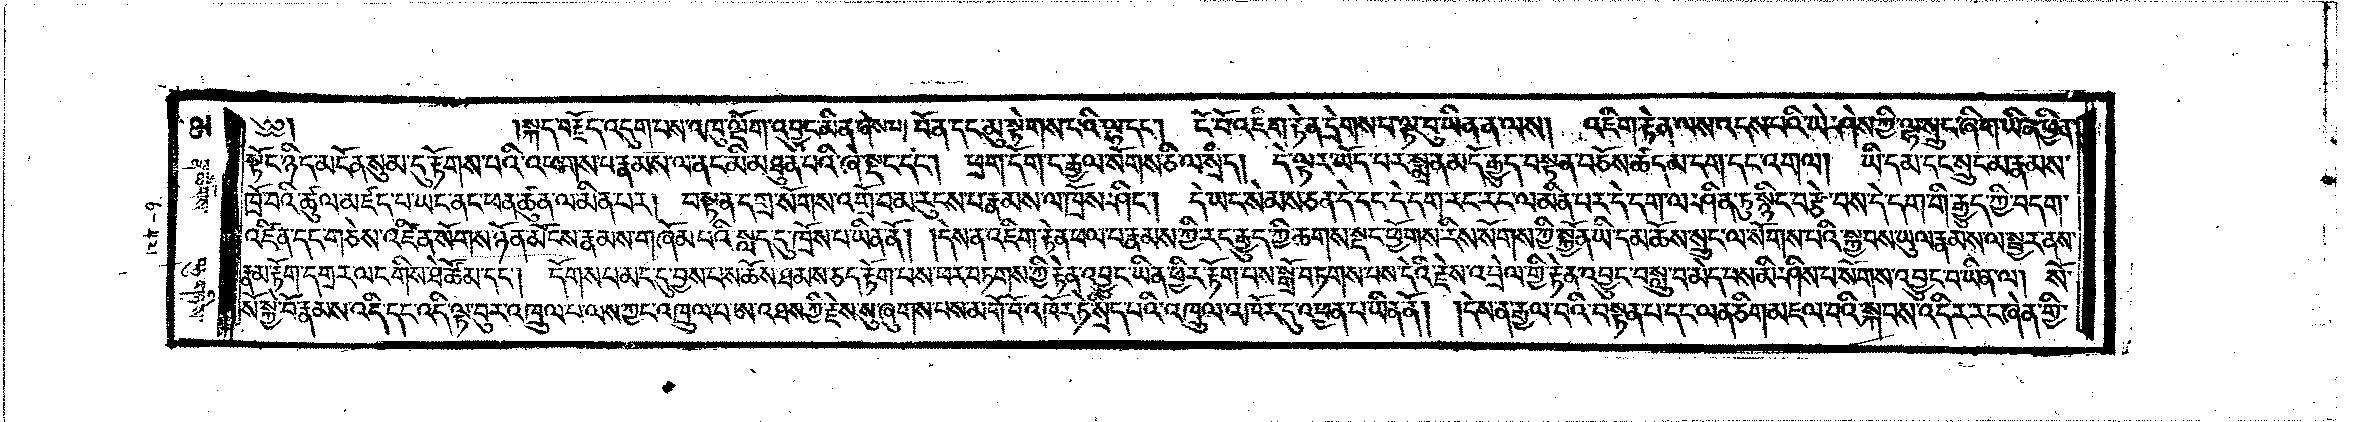༄༅། །སྐད་བརྗོད་འདུག་པས་འཁུ་ལྡོག་འབྱུང་མིན་ཞེས་པ། བོན་དང་མུ་སྟེགས་པའི་ལྷ་དང་། ངོ་བོ་འཇིག་རྟེན་དྲེགས་པ་ལྟ་བུ་ཡིན་ན་ལས། །འཇིག་རྟེན་ལས་འདས་པའི་ཡེ་ཤེས་ཀྱི་ལྷ་སྲུང་ཞིག་ཡིན་ཕྱིན་
སྟོང་ཉིད་མངོན་སུམ་དུ་རྟོགས་པའི་འཕགས་པ་རྣམས་ལ་ནང་མི་མཐུན་པའི་ཞེ་སྡང་དང་། ཕྲག་དོག་ང་རྒྱལ་སོགས་ཅི་ལ་སྲིད། དེ་ལྟར་ཡོད་པར་སྨྲ་ན་མདོ་རྒྱུད་བསྟན་བཅོས་ཚད་མ་དག་དང་འགལ། ཡི་དམ་དང་སྲུང་མ་རྣམས་
ཁྲོ་བའི་ཚུལ་མཛད་པ་ཡང་ནང་ཕན་ཚུན་ལ་མིན་པར། བསྟན་དགྲ་སོགས་འགྲོ་བ་མ་རུངས་པ་རྣམས་ལ་ཁྲོས་ཤིང་། དེ་ཡང་སེམས་ཅན་དེ་དང་དེ་དག་རང་རང་ལ་མིན་པར་དེ་དག་ལ་ཤིན་ཏུ་སྙིང་བརྩེ་བས་དེ་དག་གི་རྒྱུད་ཀྱི་བདག་
འཛིན་དང་གཅེས་འཛིན་སོགས་ཉོན་མོངས་རྣམས་གཞོམ་པའི་སླད་དུ་ཁྲོས་པ་ཡིན་ནོ། །དེས་ན་འཇིག་རྟེན་ཕལ་པ་རྣམས་ཀྱི་རང་རྒྱུད་ཀྱི་ཆགས་སྡང་ཕྱོགས་རིས་སོགས་ཀྱི་སྐྱོན་ཡི་དམ་ཆོས་སྲུང་ལ་སོགས་པའི་སྐྱབས་ཡུལ་རྣམས་ལ་སྦྱར་ནས་
རྣམ་རྟོག་དགྲར་ལང་གིས་ཐེ་ཚོམ་དང་། དོགས་པ་མང་དུ་བྱས་པས་ཆོས་ཐམས་ཅད་རྟོག་པས་ཕར་བཏགས་ཀྱི་རྟེན་འབྱུང་ཡིན་ཕྱིར་རྟོག་པས་སྒྲོ་བཏགས་པས་དེའི་རྗེས་འབྲེལ་གྱི་རྟེན་འབྱུང་བསླུ་བ་མེད་པས་མི་ཤིས་པ་སོགས་འབྱུང་བ་ཡིན་ལ། སོ་
སོ་སྐྱེ་བོ་རྣམས་འདི་དང་འདི་ལྟ་བུར་འཁྲུལ་པ་ལས་ཀྱང་འཁྲུལ་པ་ཨ་འཐས་ཀྱི་རྗེས་སུ་ཞུགས་པས་མགོ་བོ་འཁོར་ཏེ་སྲིད་པའི་འཁྲུལ་འཁོར་དུ་འཕྱན་པ་ཡིན་ནོ། །དེས་ན་རྒྱལ་བའི་བསྟན་པ་དང་ལན་ཅིག་མཇལ་བའི་སྐབས་འདིར་རང་ཞེན་གྱི་